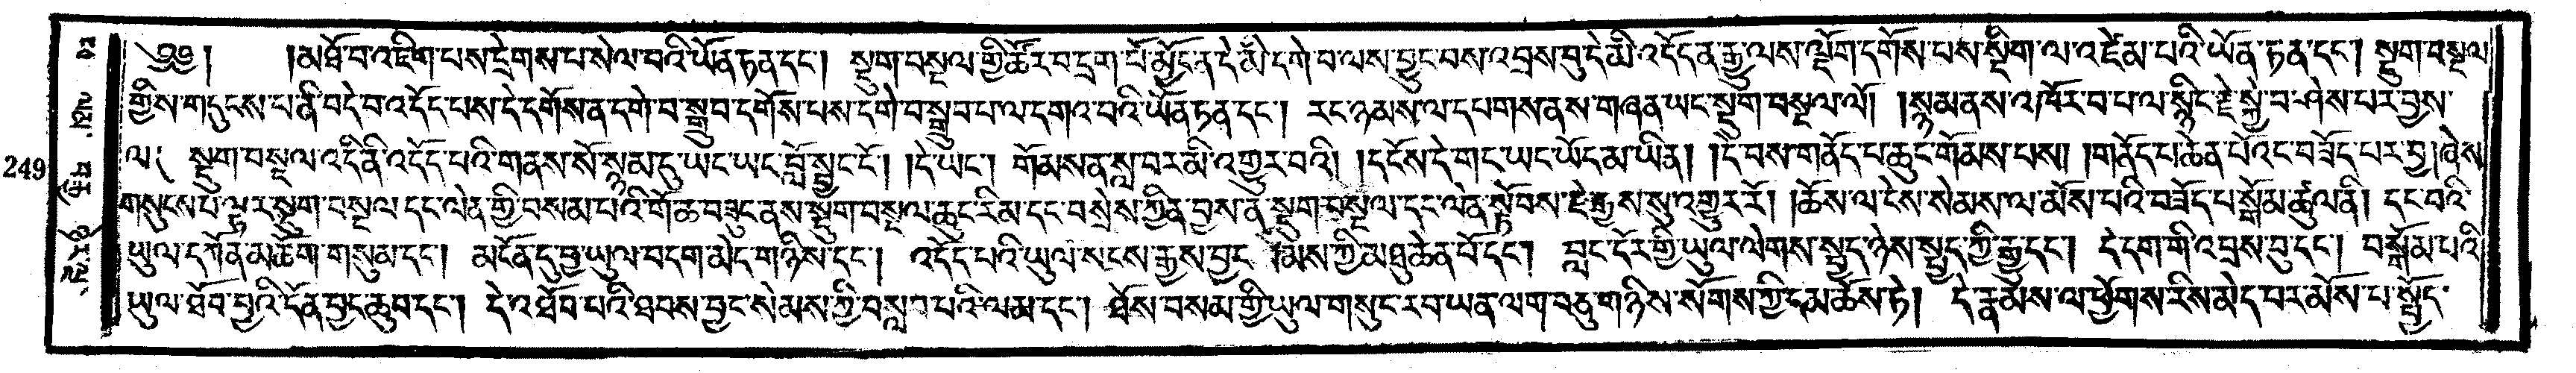༄༅། །མཐོ་བ་འཇིག་པས་དྲེགས་པ་སེལ་བའི་ཡོན་ཏན་དང་། སྡུག་བསྔལ་གྱི་ཚོར་བ་དྲག་པོ་མྱོང་ན་དེ་མི་དགེ་བ་ལས་བྱུང་བས་འབྲས་བུ་དེ་མི་འདོད་ན་རྒྱུ་ལས་ལྡོག་དགོས་པས་སྡིག་ལ་འཛེམ་པའི་ཡོན་ཏན་དང་། སྡུག་བསྔལ་
གྱིས་གདུངས་པ་ནི་བདེ་བ་འདོད་པས་དེ་དགོས་ན་དགེ་བ་སྒྲུབ་དགོས་པས་དགེ་བ་སྒྲུབ་པ་ལ་དགའ་བའི་ཡོན་ཏན་དང་། རང་ཉམས་ལ་དཔགས་ནས་གཞན་ཡང་སྡུག་བསྔལ་ལོ། །སྙམ་ནས་འཁོར་བ་པ་ལ་སྙིང་རྗེ་སྐྱེ་བ་ཤེས་པར་བྱས་
ལ༑ སྡུག་བསྔལ་འདི་ནི་འདོད་པའི་གནས་སོ་སྙམ་དུ་ཡང་ཡང་བློ་སྦྱང་ངོ། །དེ་ཡང་། གོམས་ན་སླ་བར་མི་འགྱུར་བའི། །དངོས་དེ་གང་ཡང་ཡོད་མ་ཡིན། །དེ་བས་གནོད་པ་ཆུང་གོམས་པས། །གནོད་པ་ཆེན་པོའང་བཟོད་པར་བྱ། ཞེས་
གསུངས་པ་ལྟར་སྡུག་བསྔལ་དང་ལེན་གྱི་བསམ་པའི་གོ་ཆ་བཟུང་ནས་སྡུག་བསྔལ་ཆུང་རིམ་དང་བསྲེས་ཀྱིན་བྱས་ན་སྡུག་བསྔལ་དང་ལེན་སྟོབས་ཇེ་རྒྱས་སུ་འགྱུར་རོ། །ཆོས་ལ་ངེས་སེམས་ལ་མོས་པའི་བཟོད་པ་སྒོམ་ཚུལ་ནི། དང་བའི་
ཡུལ་དཀོན་མཆོག་གསུམ་དང་། མངོན་དུ་བྱ་ཡུལ་བདག་མེད་གཉིས་དང་། འདོད་པའི་ཡུལ་སངས་རྒྱས་བྱང་སེམས་ཀྱི་མཐུ་ཆེན་པོ་དང་། བླང་དོར་གྱི་ཡུལ་ལེགས་སྦྱད་ཉེས་སྤྱད་ཀྱི་རྒྱུ་དང་། དེ་དག་གི་འྤྲས་བུ་དང་། བསྒོམ་པའི་
ཡུལ་ཐོབ་བྱའི་དོན་བྱང་ཆུབ་དང་། དེ་འཐོབ་པའི་ཐབས་བྱང་སེམས་ཀྱི་བསླབ་པའི་ལམ་དང་། ཐོས་བསམ་གྱི་ཡུལ་གསུང་རབ་ཡན་ལག་བཅུ་གཉིས་སོགས་ཀྱི་དམ་ཆོས་ཏེ། དེ་རྣམས་ལ་ཕྱོགས་རིས་མེད་པར་མོས་པ་སྤྱོད་